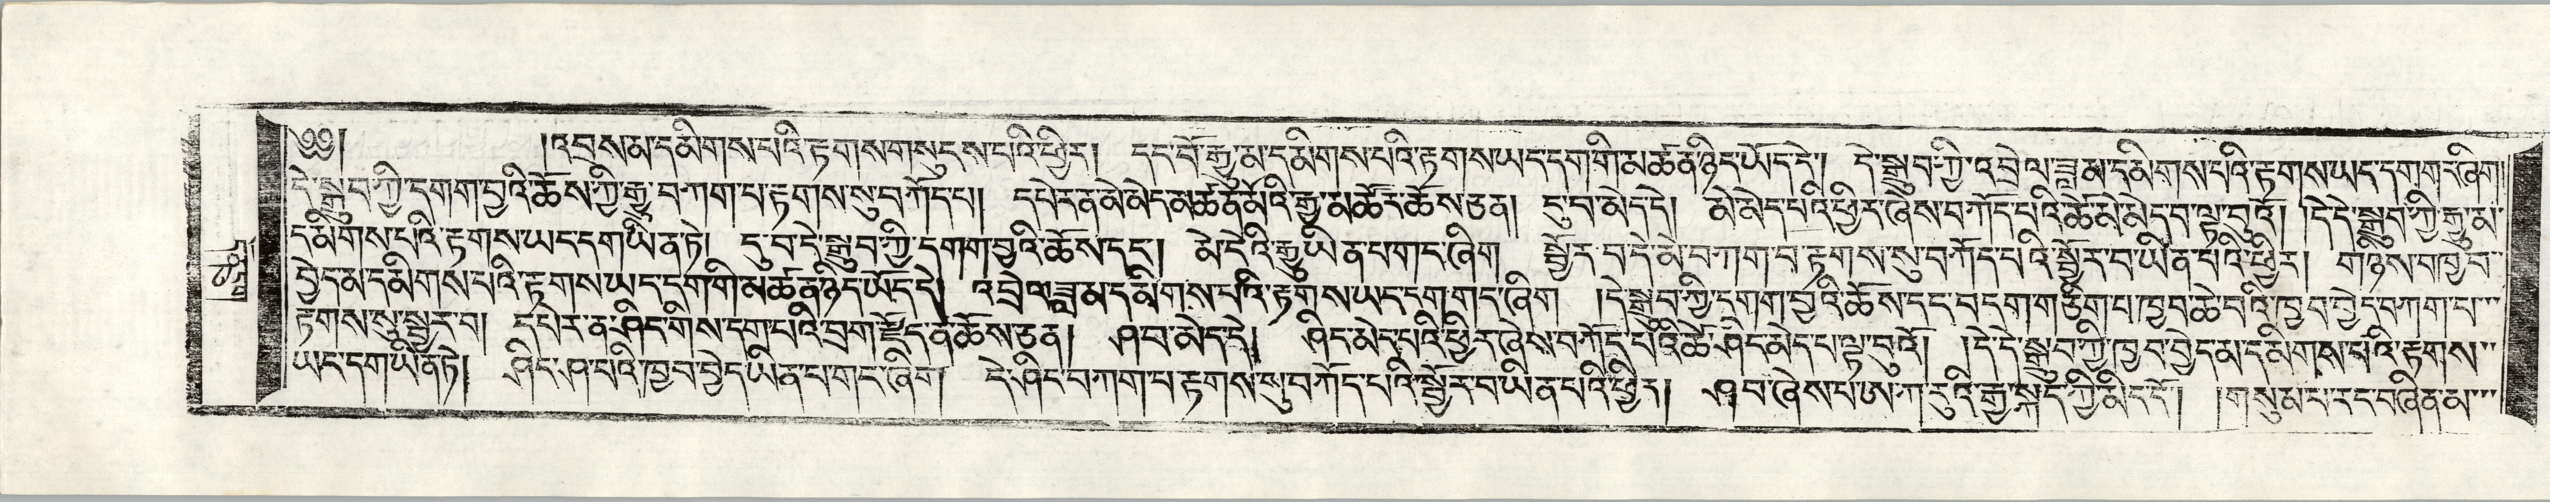༄༅། །འབྲས་མ་དམིགས་པའི་རྟགས་གསུངས་པའི་ཕྱིར། དང་པོ་རྒྱུ་མ་དམིགས་པའི་རྟགས་ཡང་དག་གི་མཚན་ཉིད་ཡོད་དེ། དེ་སྒྲུབ་ཀྱི་འབྲེལ་ཟླ་མ་དམིགས་པའི་རྟགས་ཡང་དག་གང་ཞིག །
དེ་སྒྲུབ་ཀྱི་དགག་བྱའི་ཆོས་ཀྱི་རྒྱུ་བཀག་པ་རྟགས་སུ་བཀོད་པ། དཔེར་ན། མེ་མེད་མཚན་མོའི་རྒྱ་མཚོར་ཆོས་ཅན། དུ་བ་མེད་དེ། མེ་མེད་པའི་ཕྱིར་ཞེས་བཀོད་པའི་ཚེ་མེ་མེད་པ་ལྟ་བུའོ། །དེ་དེ་སྒྲུབ་ཀྱི་རྒྱུ་མ་
དམིགས་པའི་རྟགས་ཡང་དག་ཡིན་ཏེ། དུ་བ་དེ་སྒྲུབ་ཀྱི་དགག་བྱའི་ཆོས་དང་།མེ་དེའི་རྒྱུ་ཡིན་པ་གང་ཞིག་སྦྱོར་བ་དེ་མེ་བཀག་པ་རྟགས་སུ་བཀོད་པའི་སྦྱོར་བ་ཡིན་པའི་ཕྱིར། གཉིས་པ་ཁྱབ་
བྱེད་མ་དམིགས་པའི་རྟགས་ཡང་དག་གི་མཚན་ཉིད་ཡོད་དེ། འབྲེལ་ཟླ་མ་དམིགས་པའི་རྟགས་ཡང་དག་གང་ཞིག །དེ་སྒྲུབ་ཀྱི་དགག་བྱའི་ཆོས་དང་བདག་གཅིག་པ་ཁྱབ་ཆེ་བའི་ཁྱབ་བྱེད་བཀག་པ་
རྟགས་སུ་སྦྱར་བ། དཔེར་ན། ཤིང་གིས་དག་པའི་བྲག་རྫོང་ན་ཆོས་ཅན། ཤ་བ་མེད་དེ། ཤིང་མེད་པའི་ཕྱིར་ཞེས་བཀོད་པའི་ཚེ་ཤིང་མེད་པ་ལྟ་བུའོ། །དེ་དེ་སྒྲུབ་ཀྱི་ཁྱབ་བྱེད་མ་དམིགས་པའི་རྟགས་
ཡང་དག་ཡིན་ཏེ། ཤིང་ཤ་བའི་ཁྱབ་བྱེད་ཡིན་པ་གང་ཞིག་དེ་ཤིང་བཀག་པ་རྟགས་སུ་བཀོད་པའི་སྦྱོར་བ་ཡིན་པའི་ཕྱིར། ཤ་བ་ཞེས་པ་ཨ་ཀ་རུའི་རྒྱ་སྐད་ཀྱི་མིང་ངོ། །གསུམ་པ་རང་བཞིན་མ་